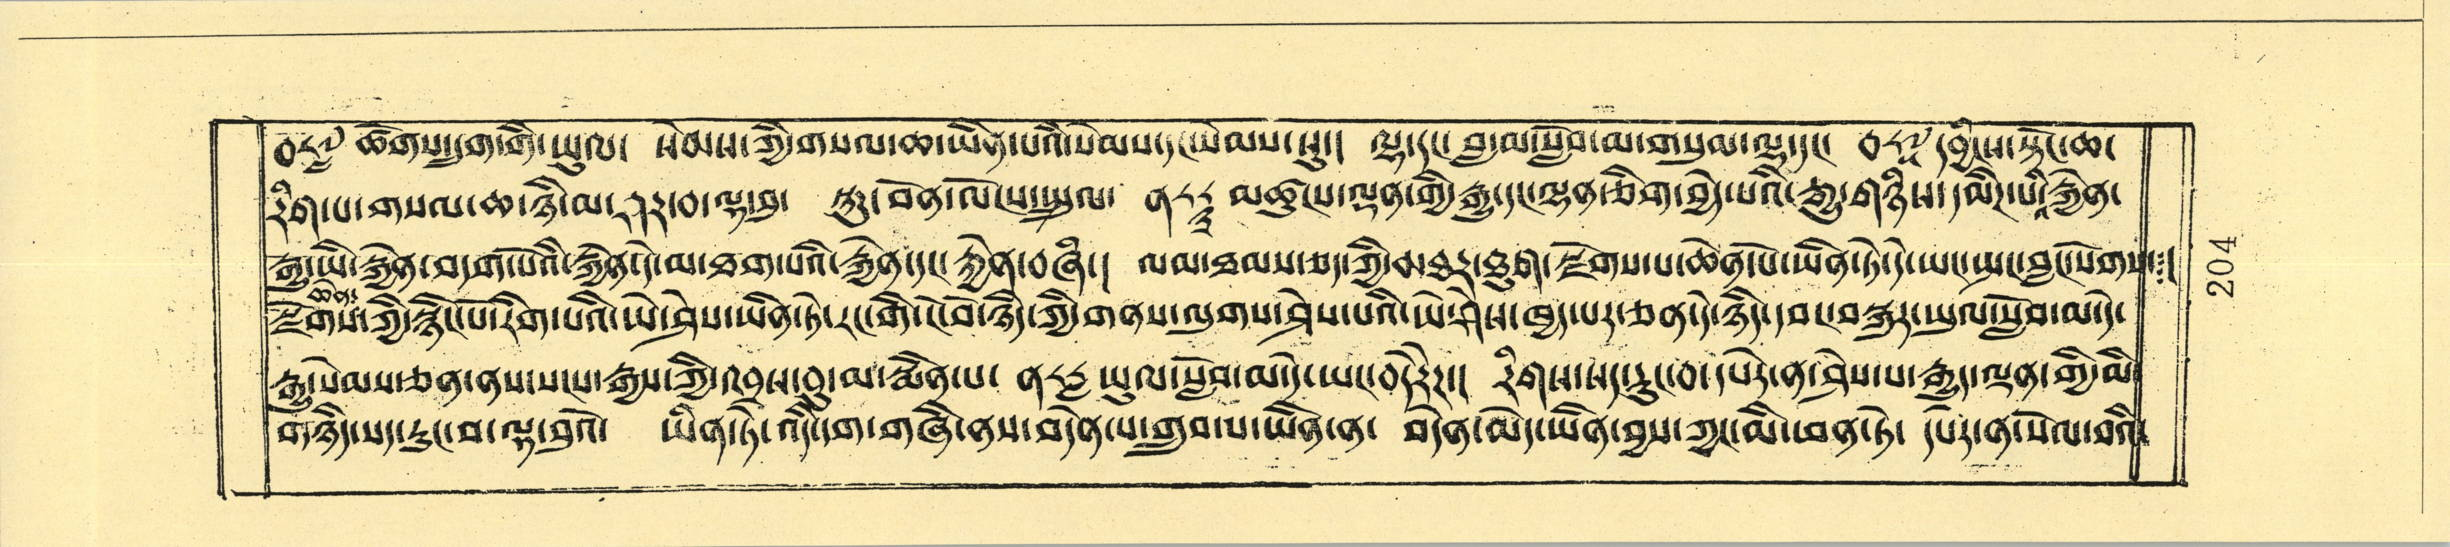བ༨༧།༤ ཚོགས་དྲུག་གི་ཡུལ་ སེམས་ཀྱི་གསལ་ཆ་ཡིན་པའི་སེམས་དང་སེམས་སུ། ལྷ་དང་བླ་མ་སློབ་མ་གསུམ་ལྷ་དང། བ༨༧།༥ དབྱིངས་སྟོང་ཆ་
རིག་པ་གསལ་ཆ་ཉི་མ་ཤར་བ་ལྟ་བུ། སྐུ་བོན་ལོངས་སྤྲུལ་ ན༨༨།༣ མཚུངས་ལྡན་གྱི་རྒྱུ་དང་ལྷན་ཅིག་བྱེད་པའི་རྒྱུ་གཉིས་དམིགས་པའི་རྐྱེན་
རྒྱུ་ཡི་རྐྱེན་བདག་པོའི་རྐྱེན་དེ་མ་ཐག་པའི་རྐྱེན་དང་རྐྱེན་བཞི། ལམ་ཐམས་ཅད་ཀྱི་མཐར་ཐུག་སྫོགས་པ་ཆེན་པོ་ཡིན་ཏེ་དེ་ཡང་སྤང་བླང་སོགས་་་། 
སྫོགས་ཆེན་གྱི་སྙིང་པོ་རིག་པའི་ཡེ་ཤེས་ཡིན་ཏེ་རང་གི་ངོ་བོ་ཉིད་ཀྱི་གནས་ལུགས་ཤེས་པའི་ཡེ་ཤེས་ཁྱད་པར་ཅན་དེ་ཉིད་དབང་བསྐུར་ཡུལ་སློབ་མ་དེ་
རྒྱུ་སེམས་ཅན་ནས་སངས་རྒྱས་ཀྱི་འབྲས་བུ་མ་སྨིན་པ་ ན༨༨།༤ ཡུལ་སློབ་མ་དེ་ཡང་བདེར་གཤེགས། རིགས་སད་རུང་བ་དཔེར་ན་ཤེས་པ་རྒྱུད་ལྡན་གྱི་མི་
གཉིད་སད་རུང་བ་ལྟ་བུའོ། ཡིན་ཏེ་འདི་དག་གཞི་ནས་བདེན་པ་གྲུབ་པ་ཡིན་ན། བདེན་མེད་ཡིན་བྱས་ཀྱང་མི་ཕན་ཏེ། དཔེར་ན་སོལ་བའི་